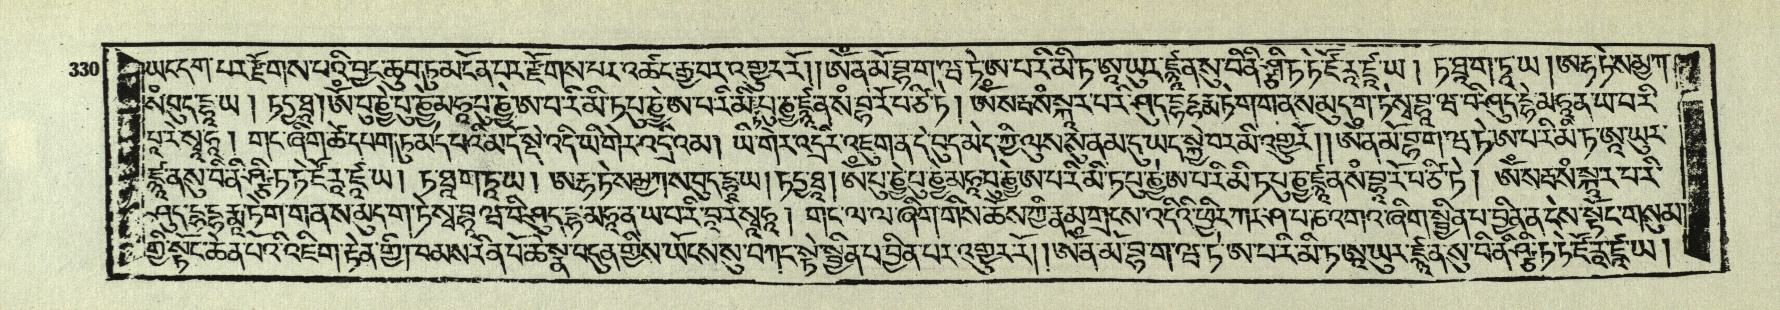ཡང་དག་པར་རྫོགས་པའི་བྱང་ཆུབ་ཏུ་མངོན་པར་རྫོགས་པར་འཚང་རྒྱ་བར་འགྱུར་རོ། །ཨོཾ་ན་མོ་བྷ་ག་ཝ་ཏེ་ཨ་པ་རི་མི་ཏ་ཨཱ་ཡུར་ཛྙཱ་ན་སུ་བི་ནི་ཤྩི་ཏ་ཏེ་ཛོ་རཱ་ཛཱ་ཡ། ཏ་ཐཱ་ག་ཏཱ་ཡ། ཨརྷ་ཏེ་སམྱཀ་
སཾ་བུད་དྷཱ་ཡ། ཏདྱ་ཐཱ། ཨོཾ་པུ་ཎྱེ་པུ་ཎྱེ་མཧཱ་པུ་ཎྱེ་ཨ་པ་རི་མི་ཏ་པུ་ཎྱེ་ཨ་པ་རི་ཏ་པུ་ཎྱ་ཛྙཱ་ན་སཾ་བྷ་རོ་པ་ཙི་ཏེ། ཨོཾ་སརྦ་སཾ་སྐཱ་ར་པ་རི་ཤུད་དྷ་དྷརྨ་ཏེ་ག་ག་ན་ས་མུད་ག་ཏེ་སྭ་བྷཱ་ཝ་བི་ཤུད་དྷེ་མཧཱ་ན་ཡ་པ་རི་
པཱ་རེ་སྭཱཧཱ། གང་ཞིག་ཚེ་དཔག་ཏུ་མེད་པའི་མདོ་སྡེ་འདི་ཡི་གེར་འདིར་འམ། ཡི་གེར་འདྲིར་འཇུག་ན་དེ་བུད་མེད་ཀྱི་ལུས་སུ་ནམ་དུ་ཡང་སྐྱེ་བར་མི་འགྱུརོ། །ཨོཾ་ན་མོ་བྷ་ག་ཝ་ཏེ་ཨ་པ་རི་མི་ཏ་ཨཱ་ཡུར་
ཛྙཱ་ན་སུ་བི་ནི་ཤྩི་ཏ་ཏེ་ཛོ་རཱ་ཛཱ་ཡ། ཏ་ཐཱ་ག་ཏཱ་ཡ། ཨརྷ་ཏེ་སམྱཀ་སཾ་བུད་དྷཱ་ཡ། ཏདྱ་ཐཱ། ཨོཾ་པུ་ཎྱེ་པུ་ཎྱེ་མཧཱ་བུ་ཎྱེ་ཨ་པ་རི་ཏ་པུ་ཎྱེ་ཨ་པ་རི་མི་ཏ་པུ་ཎྱ་ཛྙཱ་ན་སཾ་བྷཱ་རོ་པ་ཙི་ཏེ། ཨོཾ་སརྦ་སམ་སྐཱ་ར་པ་རི་
ཤུད་དྷ་དྷརྨ་ཏེ་ག་ག་ན་ས་མུད་ག་ཏེ་སྭ་བྷཱ་ཝ་བི་ཤུད་དྷ་མཧཱ་ན་ཡ་པ་རི་བཱ་རེ་སྭཱཧཱ། གང་ལ་ལ་ཞིག་གིས་ཆོས་ཀྱི་རྣམ་གྲངས་འདིའི་ཕྱིར་ཀར་ཤ་པ་ཎ་འགའ་ཞིག་སྦྱིན་པ་བྱིན་ན་དེས་སྟོང་གསུམ་
གྱི་སྟོང་ཆེན་པོའི་ཇིག་རྟེན་གྱི་ཁམས་རིན་པོ་ཆེ་སྣ་བདུན་གྱིས་ཡོངས་སུ་བཀང་སྟེ་སྦྱིན་པ་བྱིན་པར་འགྱུར་རོ། ཨོཾ་ན་མོ་བྷ་ག་ཝ་ཏེ་ཨ་པ་རི་མི་ཏ་ཨཱ་ཡུར་ཛྙཱ་ན་སུ་བི་ནི་ཤྩི་ཏ་ཏེ་ཛོ་རཱ་ཛཱ་ཡ།